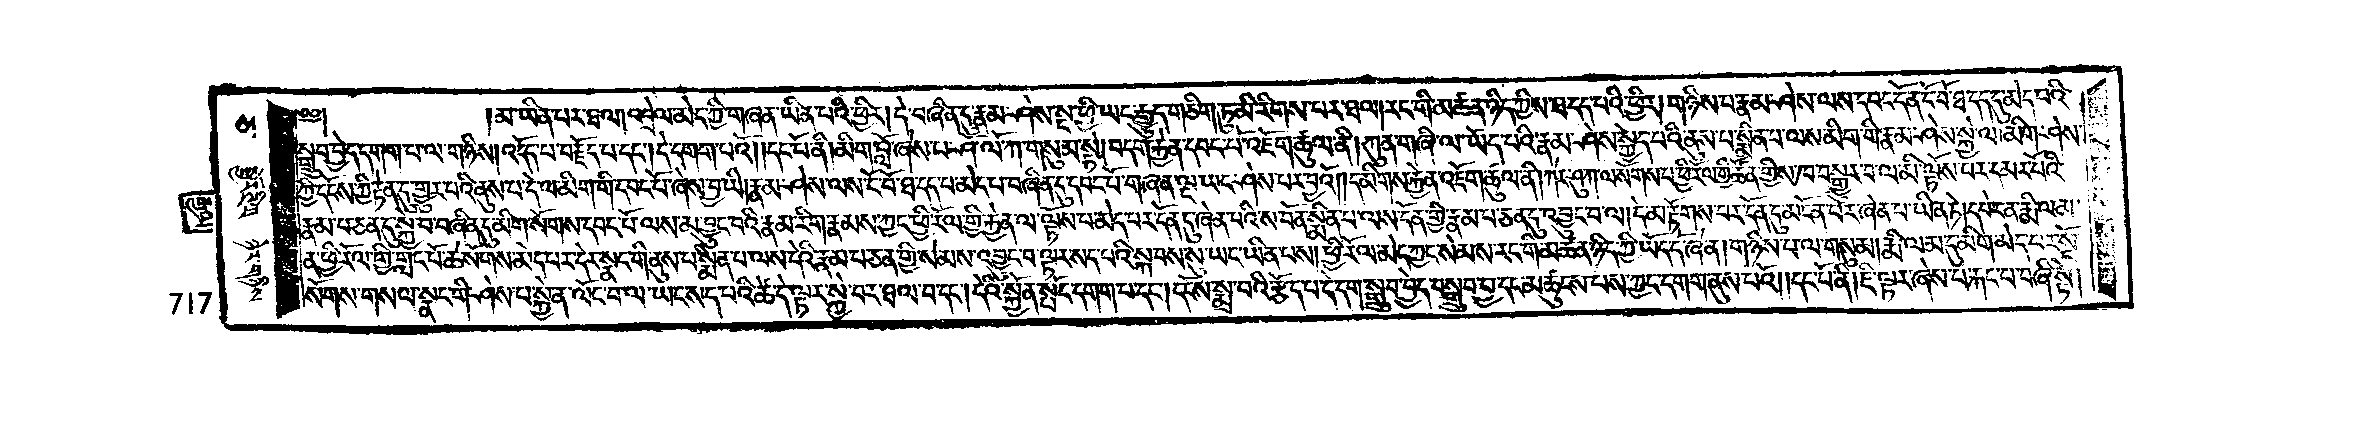༄༅། །མ་ཡིན་པར་ཐལ། འབྲེལ་མེད་ཀྱི་གཞན་ཡིན་པའི་ཕྱིར། དེ་བཞིན་དུ་རྣམ་ཤེས་སྔ་ཕྱི་ཡང་རྒྱུད་གཅིག་ཏུ་མི་རིགས་པར་ཐལ། རང་གི་མཚན་ཉིད་ཀྱིས་ཐ་དད་པའི་ཕྱིར། གཉིས་པ་རྣམ་ཤེས་ལས་དབང་དོན་ངོ་བོ་ཐ་དད་དུ་མེད་པའི་
སྒྲུབ་བྱེད་དགག་པ་ལ་གཉིས། འདོད་པ་བརྗོད་པ་དང་། དེ་དགག་པའོ། །དང་པོ་ནི། མིག་བློ་ཞེས་པ་ཤ་ལོ་ཀ་གསུམ་སྟེ། བདག་རྐྱེན་དབང་པོ་འཇོག་ཚུལ་ནི། ཀུན་གཞི་ལ་ཡོད་པའི་རྣམ་ཤེས་སྐྱེད་པའི་ནུས་པ་སྨིན་པ་ལས་མིག་གི་རྣམ་ཤེས་སྐྱེ་ལ་མིག་ཤེས་
ཀྱི་དངོས་ཀྱི་རྟེན་དུ་གྱུར་པའི་ནུས་པ་དེ་ལ་མིག་གི་དབང་པོ་ཞེས་བྱ་ཡི། རྣམ་ཤེས་ལས་ངོ་བོ་ཐ་དད་པ་མེད་པ་བཞིན་དུ་དབང་པོ་གཞན་ལྔ་ཡང་ཤེས་པར་བྱའོ། །དམིགས་རྐྱེན་འཇོག་ཚུལ་ནི། ཀེང་ཤུ་ཀ་ལ་སོགས་པ་ཕྱི་རོལ་གྱི་ཚོན་གྱིས་ཁ་བསྒྱུར་བ་ལ་མི་ལྟོས་པར་དམར་པོའི་
རྣམ་པ་ཅན་དུ་སྐྱེ་བ་བཞིན་དུ་མིག་སོགས་དབང་པོ་ལས་མ་བྱུང་བའི་རྣམ་རིག་རྣམས་ཀྱང་ཕྱི་རོལ་གྱི་རྐྱེན་ལ་ལྟོས་པ་མེད་པར་དོན་དུ་ཞེན་པའི་ས་བོན་སྨིན་པ་ལས་དོན་གྱི་རྣམ་པ་ཅན་དུ་འབྱུང་བ་ལ། དེ་མ་རྟོགས་པར་དོན་དུ་མངོན་པར་ཞེན་པ་ཡིན་ཏེ། དཔེར་ན་རྨི་ལམ་
ན་ཕྱི་རོལ་གྱི་གླང་པོ་ཆེ་སོགས་མེད་པར་དེར་སྣང་གི་ནུས་པ་སྨིན་པ་ལས་དེའི་རྣམ་པ་ཅན་གྱི་སེམས་འབྱུང་བ་ལྟར་སད་པའི་སྐབས་སུ་ཡང་ཡིན་པས། ཕྱི་རོལ་མེད་ཀྱང་སེམས་རང་གི་མཚན་ཉིད་ཀྱི་ཡོད་དོ་ཞེ་ན། གཉིས་པ་ལ་གསུམ། རྨི་ལམ་དུ་མིག་མེད་པར་སྔོ་
སོགས་གསལ་སྣང་གི་ཤེས་པ་སྐྱེ་ན་ལོང་བ་ལ་ཡང་སད་པའི་ཚེ་དེ་ལྟར་སྐྱེ་བར་ཐལ་བ་དང་། དེའི་སྐྱོན་སྤོང་དགག་པ་དང་། དངོས་སྨྲ་བའི་རྩོད་པ་དེ་དག་སྒྲུབ་བྱེད་བསྒྲུབ་བྱ་དང་མཚུངས་པས་ཀྱང་དགག་ནུས་པའོ། །དང་པོ་ནི། ཇི་ལྟར་ཞེས་པ་རྐང་པ་བཞི་སྟེ།